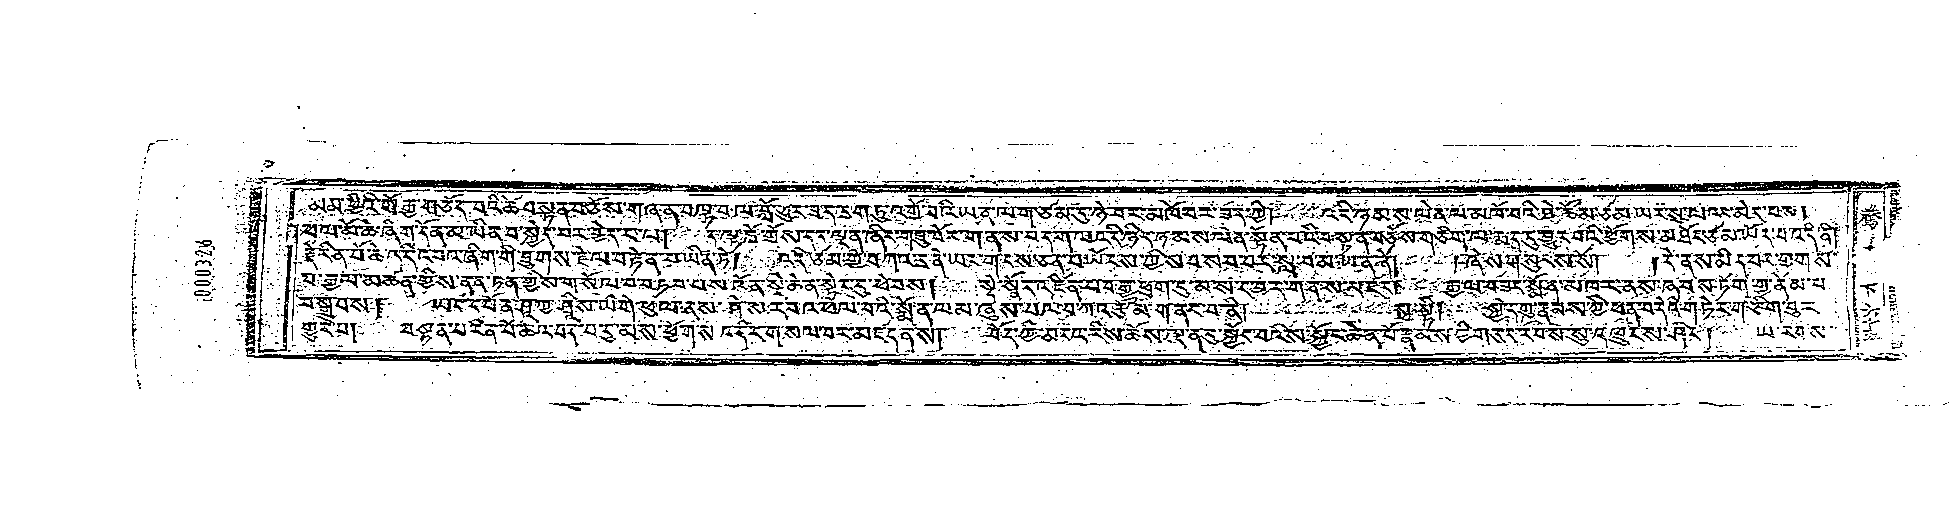མམ་ཕྱིའི་གོ་རྒྱ་གཅོད་པའི་ཚེ་བསྟན་བཅོས་གཞན་བལྟ་བ་ལ་བློ་ཅུང་ཟད་དྲག་ཏུ་འགྲོ་བའི་ཡན་ལག་ཙམ་དུ་ཉེ་བར་མཁོ་བར་ཟད་ཀྱི། འདི་ཉམས་ལེན་ལ་མཁོ་བའི་ཐེ་ཚོམ་ཙམ་ཡང་སུ་ལའང་མེད་བས།
ཕལ་མོ་ཆེ་ཞིག་དོན་མ་ཡིན་བསྐྱེད་བར་བྱེད་པ་ལ། ད་ལྟ་བློ་གྲོས་དང་ལྡན་ཞིང་གཟུ་བོར་གནས་བདག་ལ་འདི་ཉིད་ཉམས་ལེན་སྟོན་པའི་བསྟན་བཅོས་གཅིག་ལ་རྨད་དུ་གྱུར་བའི་ཕྱོགས་མཐོང་ཙམ་ཡོད་པ་འདི་ནི།
རྗེ་རིན་པོ་ཆེ་འདི་འབའ་ཞིག་གི་ཐུགས་རྗེ་ལ་བརྟེན་པ་ཡིན་ཏེ། འདི་ཙམ་གྱི་བཀའ་དྲིན་ཡང་གངས་ཅན་པ་ཡོངས་ཀྱིས་བསབ་པར་སླ་བ་མ་ཡིན་ནོ། །ཞེས་གསུངས་སོ། །དེ་ནས་མི་དབང་གྲགས་
བ་རྒྱལ་མཚན་གྱིས་ནན་ཏན་གྱིས་གསོལ་བ་བཏབ་པས་འོན་སྡེ་ཆེན་སྟེང་དུ་ཕེབས། སྡེ་སྣོད་འཛིན་པ་བརྒྱ་ཕྲག་དུ་མས་དབྱར་གནས་མཛད། རྒྱལ་བཟང་སྨོན་མཁར་ནས་ཞབས་ཏོག་གྱ་ནོམ་པ་
བསྒྲུབས། ཡང་དཔོན་ཤཱཀྱ་ཤྲཱི་ཡི་གེ་ཕུལ་ནས་ཤེས་རབ་འཕེལ་བའི་སྨོན་ལམ་ཞུས་པ་ལ་བཀའ་རྩོམ་གནང་བ་ནི། སྭ་སྟི། སྐྱེ་དགུ་རྣམས་ཀྱི་ཕན་བདེའི་གཏེར་གཅིག་བུར་
གྱུར་བ། བསྟན་པ་རིན་པོ་ཆེ་འབད་བ་དུ་མས་ཕྱོགས་འདིར་གསལ་བར་མཛད་ནས། བོད་ཀྱི་མངའ་རིས་ཆོས་ལྔ་ན་དུ་སྐྱོང་བའི་ས་སྐྱོང་ཆེན་པོ་རྣམས་ཀྱི་གདུང་རབས་སུ་འཁྲུངས་ཤིང་། ཡ་རབས་